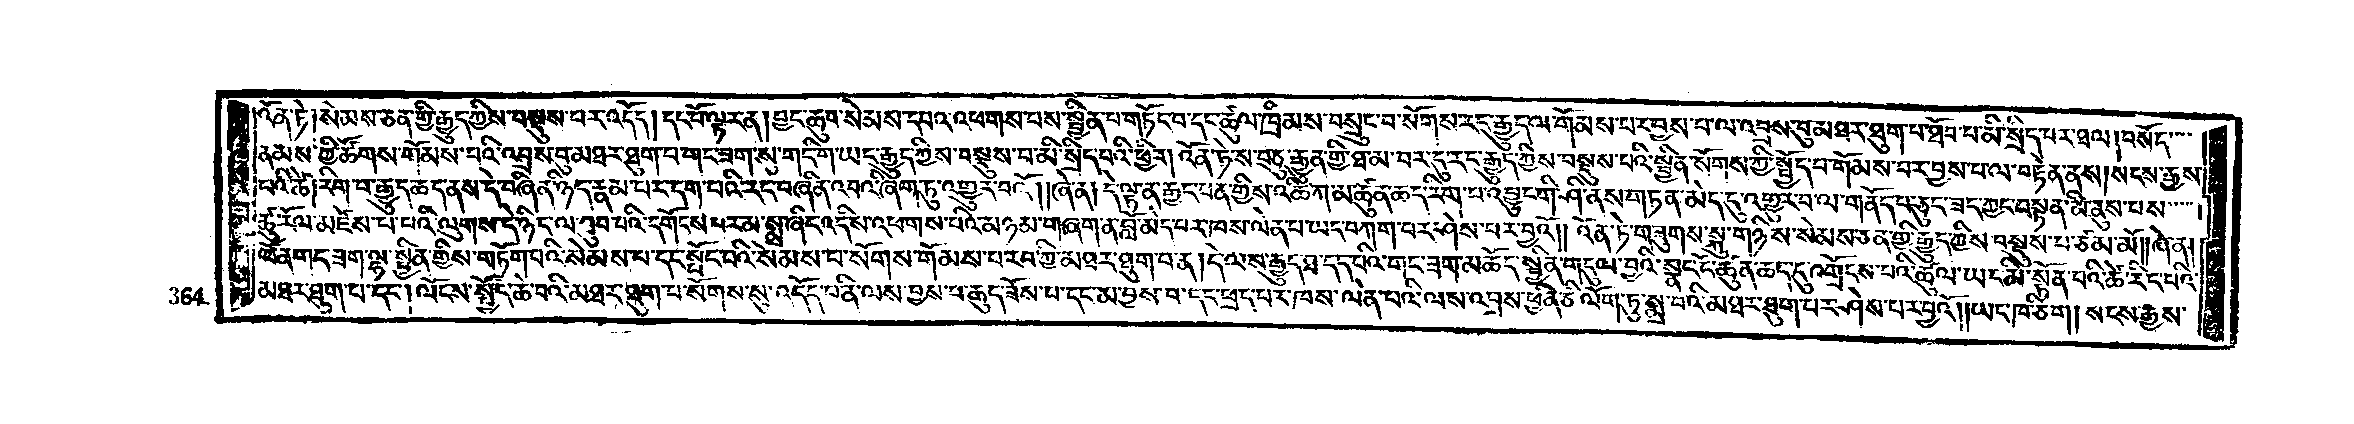འོན་ཏེ། སེམས་ཅན་གྱི་རྒྱུད་ཀྱིས་བསྡུས་པར་འདོད། དང་པོ་ལྟར་ན། བྱང་ཆུབ་སེམས་དཔའ་འཕགས་པས་སྦྱིན་པ་གཏོང་བ་དང་ཚུལ་ཁྲིམས་བསྲུང་བ་སོགས་རང་རྒྱུད་ལ་གོམས་པར་བྱས་པ་ལ་འབྲས་བུ་མཐར་ཐུག་པ་ཐོབ་པ་མི་སྲིད་པར་ཐལ། བསོད་
ནམས་ཀྱི་ཚོགས་གོམས་པའི་འབྲས་བུ་མཐར་ཐུག་པ་གང་ཟག་སུ་གང་གི་ཡང་རྒྱུད་ཀྱིས་བསྡུས་པ་མི་སྲིད་པའི་ཕྱིར། འོན་ཏེ་ས་བཅུ་རྒྱུན་གྱི་ཐ་མ་བར་དུ་རང་རྒྱུད་ཀྱིས་བསྡུས་པའི་སྦྱིན་སོགས་ཀྱི་སྤྱོད་པ་གོམས་པར་བྱས་པ་ལ་བརྟེན་ནས། སངས་རྒྱས་
པའི་ཚེ། རིག་པ་རྒྱུད་ཆད་ནས་དེ་བཞིན་ཉིད་རྣམ་པར་དག་པའི་རང་བཞིན་འབའ་ཞིག་ཏུ་འགྱུར་བའོ། །ཞེ་ན། དེ་ལྟ་ན་རྒྱང་ཕན་གྱིས་འཆི་ཀ་མ་ཚུན་ཆད་རིག་པ་འབྱུང་གི་ཤི་ནས་གཏན་མེད་དུ་འགྱུར་པ་ལ་གནོད་པ་ཅུང་ཟད་ཀྱང་བསྟན་མི་ནུས་པས་
ཚུ་རོལ་མཛེས་པ་པའི་ལུགས་དེ་ཉིད་ལ་ཐུབ་པའི་དགོངས་པར་མ་སྨྲ་ཞིང་འདིས་འཕགས་པའི་མཉམ་གཞག་ན་བློ་མེད་པར་ཁས་ལེན་པ་ཡང་བཀག་པར་ཤེས་པར་བྱའོ། །འོན་ཏེ་གཟུགས་སྐུ་གཉིས་སེམས་ཅན་གྱི་རྒྱུད་ཀྱིས་བསྡུས་པ་ཙམ་མོ། །ཞེ་ན།
ཡོན?་ལོན?་གང་ཟག་ལྷ་སྦྱིན་གྱིས་གཏོག་པའི་སེམས་པ་དང་སྤོང་བའི་སེམས་པ་སོགས་གོམས་པ་རབ་ཀྱི་མཐར་ཐུག་པ་ན། དེ་ལས་རྒྱུད་ཐ་དད་པའི་གང་ཟག་མཆོད་སྦྱིན་གདུལ་བྱའི་སྣང་ངོ་ཚུན་ཆད་དུ་འགྲོངས་པའི་ཚུལ་ཡང་མི་སྟོན་པའི་ཚེ་རིང་པའི་
མཐར་ཐུག་པ་དང་། ལོངས་སྤྱོད་ཆེ་བའི་མཐར་ཐུག་པ་སོགས་སུ་འདོད་པ་ནི་ལས་བྱས་པ་ཆུད་ཟོས་པ་དང་མ་བྱས་པ་དང་ཕྲད་པར་ཁས་ལེན་པའི་ལས་འབྲས་ཕྱིན་ཅི་ལོག་ཏུ་སྨྲ་བའི་མཐར་ཐུག་པར་ཤེས་པར་བྱའོ། །ཡང་ཁ་ཅིག །སངས་རྒྱས་